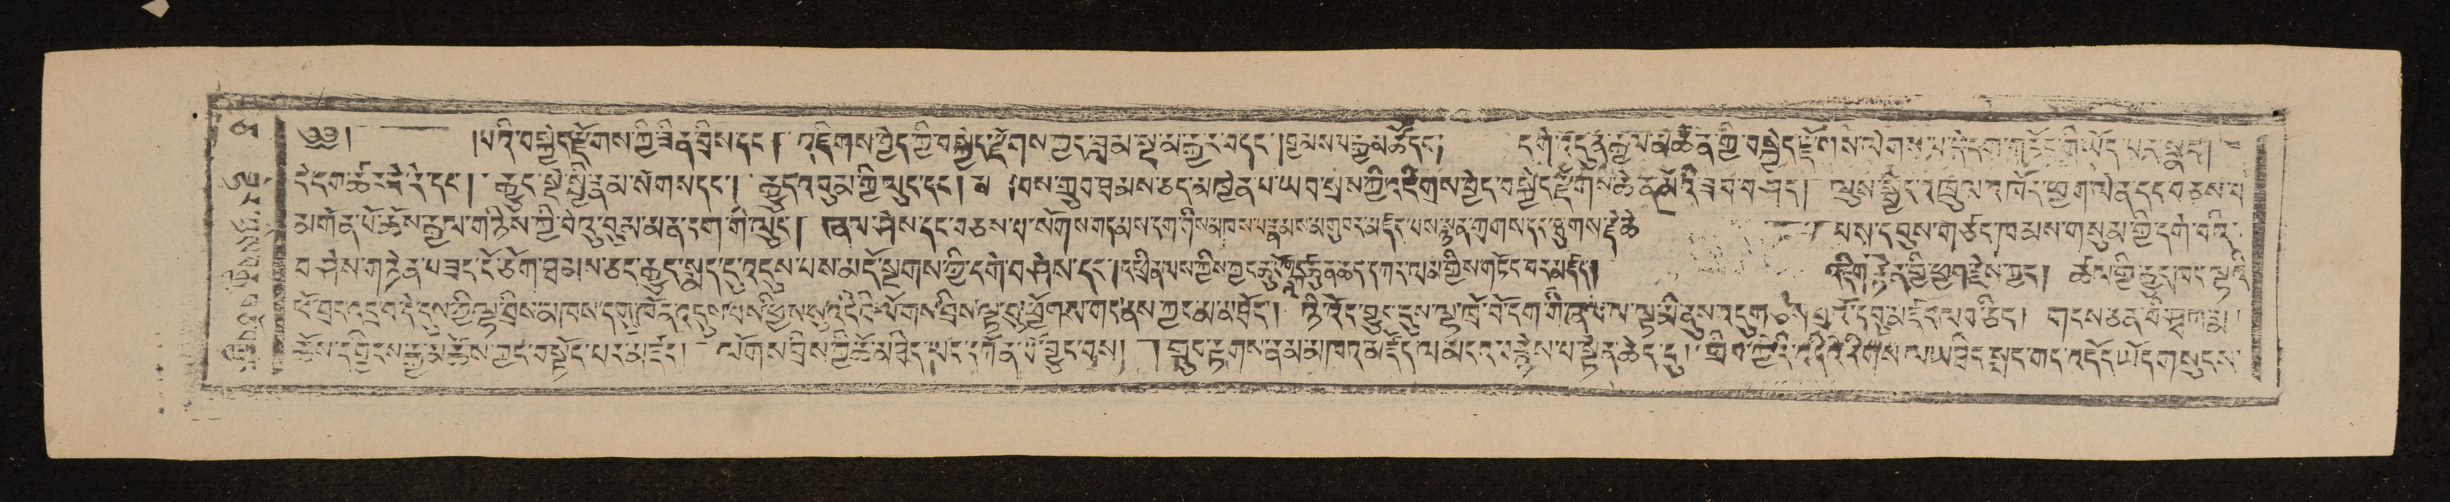༄༅། །པའི་བསྐྱེད་རྫོགས་ཀྱི་ཟིན་བྲིས་དང་། འཇིགས་བྱེད་ཀྱི་བསྐྱེད་རྫོགས་ཀྱང་བླ་མ་སྔ་མ་རྒྱར་བ་དང་། བྱམས་པ་རྒྱ་མཚོ་དང་། དགེ་འདུན་རྒྱལ་མཚན་གྱི་བསྐྱེད་རྫོགས་ལེགས་པ་དེ་དག་གཏོང་གི་ཡོད་པར་སྣང་།
དེ་དག་ཚར་རེ་རེ་དང་། རྒྱུད་སྡེ་སྤྱི་རྣམ་སོགས་དང་། རྒྱུད་འབུམ་གྱི་ལུང་དང་། མཁས་གྲུབ་ཐམས་ཅད་མཁྱེན་པ་ཡབ་སྲས་ཀྱི་འཇིགས་བྱེད་བསྐྱེད་རྫོགས་ཆེན་མོའི་ཟབ་བཤད། ལུས་སྦྱོང་འཁྲུལ་འཁོར་ཕྱག་ལེན་དང་བཅས་པ་
མགོན་པོ་ཆོས་རྒྱལ་གཉིས་ཀྱི་བེའུ་བུམ་མན་ངག་གི་ལུང་། ཞལ་ཤེས་དང་བཅས་པ་སོགས་གདམས་ངག་གིས་མཁས་པ་རྣམས་མགུ་བར་མཛད་བས་སྙན་གྲགས་དང་ཐུགས་རྗེ་ཆེ་བས་དབུས་གཙང་ཁམས་གསུམ་གྱི་དགེ་བའི་
བཤེས་གཉེན་བཟང་ངོ་ཅོག་ཐམས་ཅད་རྒྱུད་སྨད་དུ་འདུས་པས་མདོ་སྔགས་ཀྱི་དགེ་བཤེས་དང་། འཕྲིན་ལས་ཀྱིས་ཀྱང་ཆུ་པོ་གངྒཱ་ཚུན་ཆད་དཀར་ལམ་གྱིས་གཏོང་བར་མཛད། འཇིག་རྟེན་གྱི་ཕྱག་རྗེས་ཀྱང་། ཚལ་གྱི་རྒྱུད་ཁང་ལྷའི་
ཕོ་བྲང་འདྲ་བ་དེ་དུས་ཀྱི་ལྷ་བྲིས་མཁས་དགུ་ཁོན་འདུས་པས་ཕྱིས་སུ་འདིའི་ལོགས་བྲིས་ལྟ་བུ་ཕྱོགས་གང་ནས་ཀྱང་མ་མཐོང་། ཉི་འོད་བྱུང་དུས་ལྷ་ཁྲོ་བོ་དག་གི་ཞལ་ལ་ལྟ་མི་ནུས་འདུག་ཅེས་བྲའོ་དབུ་མཛད་ལབ་ཅིང་། གངས་ཅན་བི་ཤྭ་ཀརྨ་
ཆོས་དབྱིངས་རྒྱ་མཚོས་ཀྱང་བསྟོད་པར་མཛད། ལོགས་བྲིས་ཀྱི་ཚེ་མཐིང་ཡང་དཀོན་པོ་བྱུང་བས། གྲུབ་རྟགས་ནམ་མཁའ་མཛོད་ལ་མངའ་བརྙེས་པ་སྟོན་ཆེད་དུ། གྲིབ་ཀྱི་རི་འདིའི་རིགས་ལ་མཐིང་སྤང་གང་འདོད་ཡོད་གསུངས་